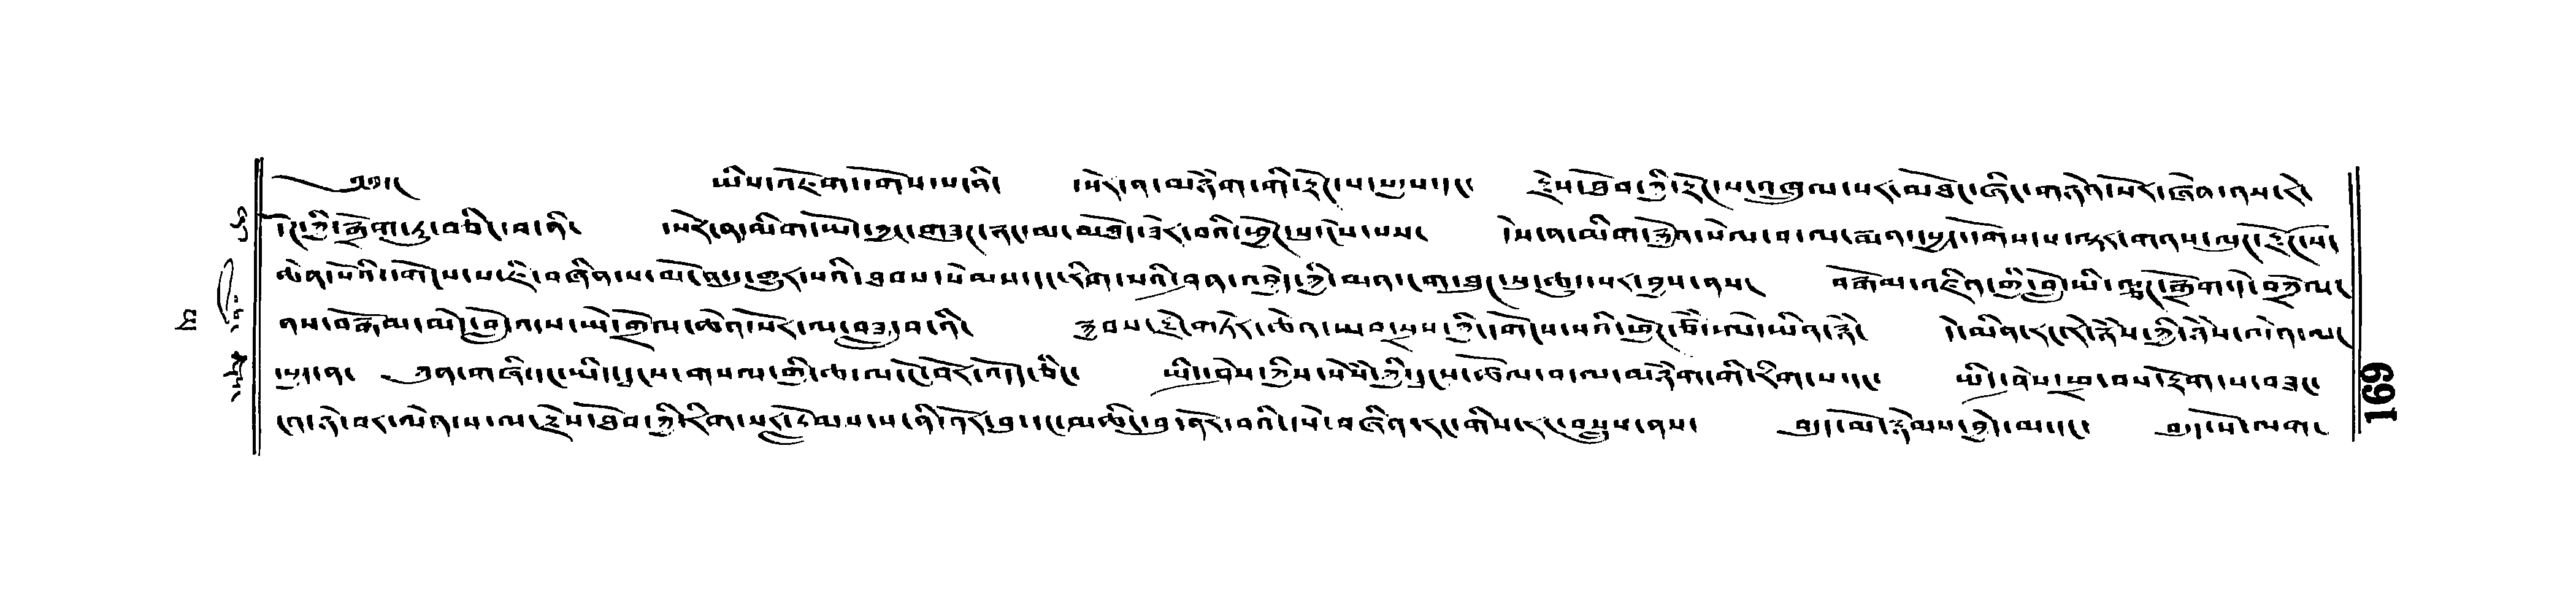ཡིས་འཇོག་དགོས་པ་ནི། དཔེར་ན་མཉམ་གཞག་གི་རྟོགས་པ་སངས་རྒྱས་དང་། རྗེས་ཐོབ་ཀྱི་རྟོགས་པ་འཁྲུལ་པར་མཐོང་ཞིང་གཉེན་པོར་ཞེན་ནས་རེ་
དོགས་ཀྱི་སྒྲོག་ཏུ་བཅིང་བ་ནི། དཔེར་ན་མིག་ཡོད་ཀྱང་གཟུགས་སྣང་མ་མཐོང་ཟེར་བའི་ཕྱོགས་སུ་ངེས་པས། དེས་ན་མིག་སྐྱོན་སེལ་བ་ལ་སྨན་དཔྱད་དགོས་པ་ལྟར་གནས་ལུགས་རྫོགས་པ་
ཆེན་པོའི་དགོངས་པ་ཇི་བཞིན་པ་མངོན་དུ་གྱུར་པའི་ཐབས་སེམས་དང་རིག་པའི་ཤན་འབྱེད་ཀྱི་མན་ངག་ཐུགས་སུ་ཆུད་པར་བྱས་ནས། བསྒོམ་འཛིན་གྱི་བློ་ཡི་ལྕགས་སྒྲོག་དེ་བཀྲོལ་
ནས་བསྒོམ་མེད་བློ་འདས་ཡེ་གྲོལ་ཆེན་པོར་ལ་བཟླ་བ་ནི། སྐྱབས་རྗེ་གཏེར་ཆེན་ཡབ་སྲས་ཀྱི་དགོངས་པའི་ཕྱོགས་ཙམ་ཨེ་ཡིན་སྙམ། དེ་མིན་རང་རེ་རྣམས་ཀྱི་ཉམས་ལེན་ལ་
དཔྱད་ན།ཀུན་གཞི་དང་ཡིད་དྭངས་གསལ་གྱི་ཆ་ལ་ངོ་བོར་འདོད་ཅིང་། ཡིད་ཤེས་ཀྱིས་སེམས་ཀྱི་དྭངས་ཚོལ་བ་ལ་མཉམ་གཞག་གི་རིག་པ་དང་། ཡིད་ཤེས་ཕྲ་བས་རྟོག་པ་བཟང་
ངན་ཉེ་བར་ལེན་པ་ལ་རྗེས་ཐོབ་ཀྱི་རིག་པར་རློམས་པ་ནི་ནོར་བུ་དང་མཆིང་བུ་ནོར་བའི་དཔེ་བཞིན་རང་གིས་རང་བསླུས་ནས། བདུད་མོ་སྙེམས་བྱེད་མ་དང་། བདུད་པོ་ལག་